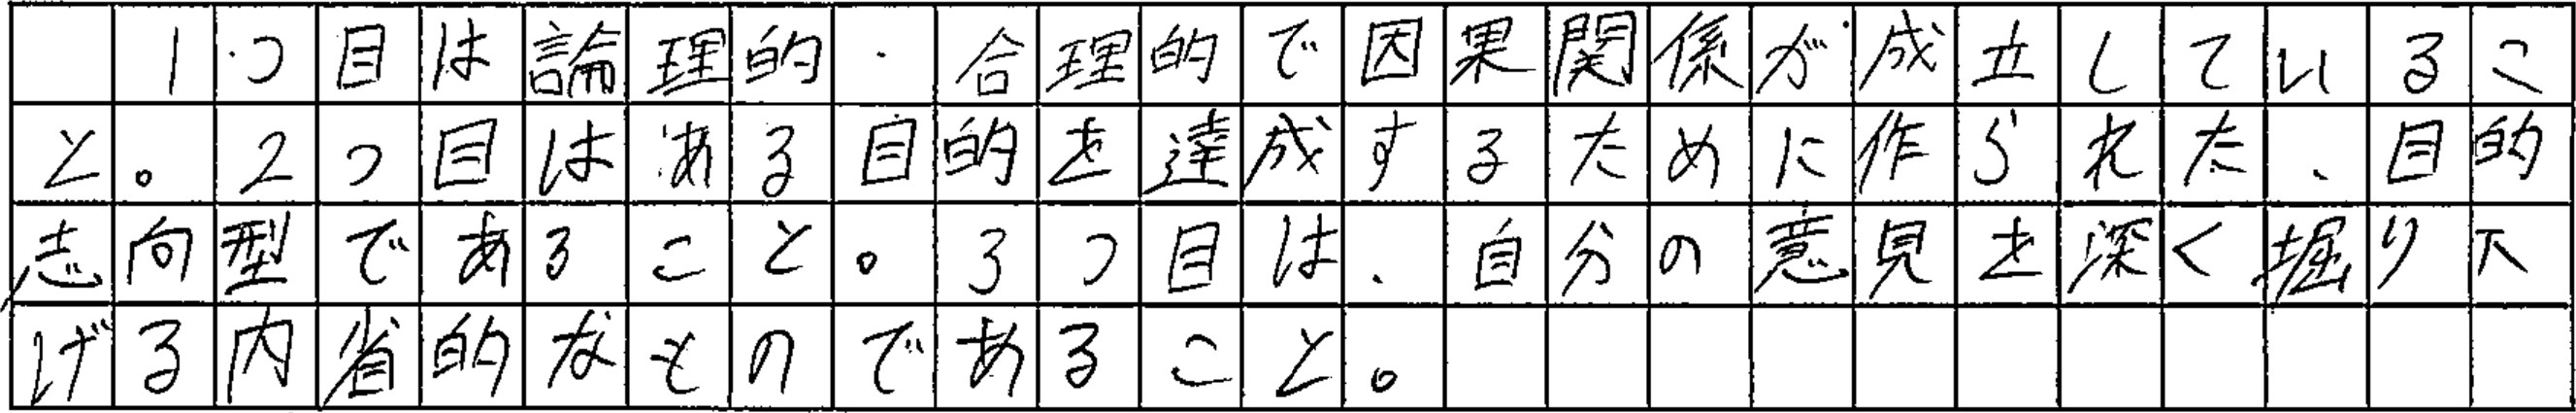　１つ目は論理的・合理的で因果関係が成立していること。２つ目はある目的を逹成するために作られた、目的志向型であること。３つ目は、自分の意見を深く堀り下げる内省的なものであること。
